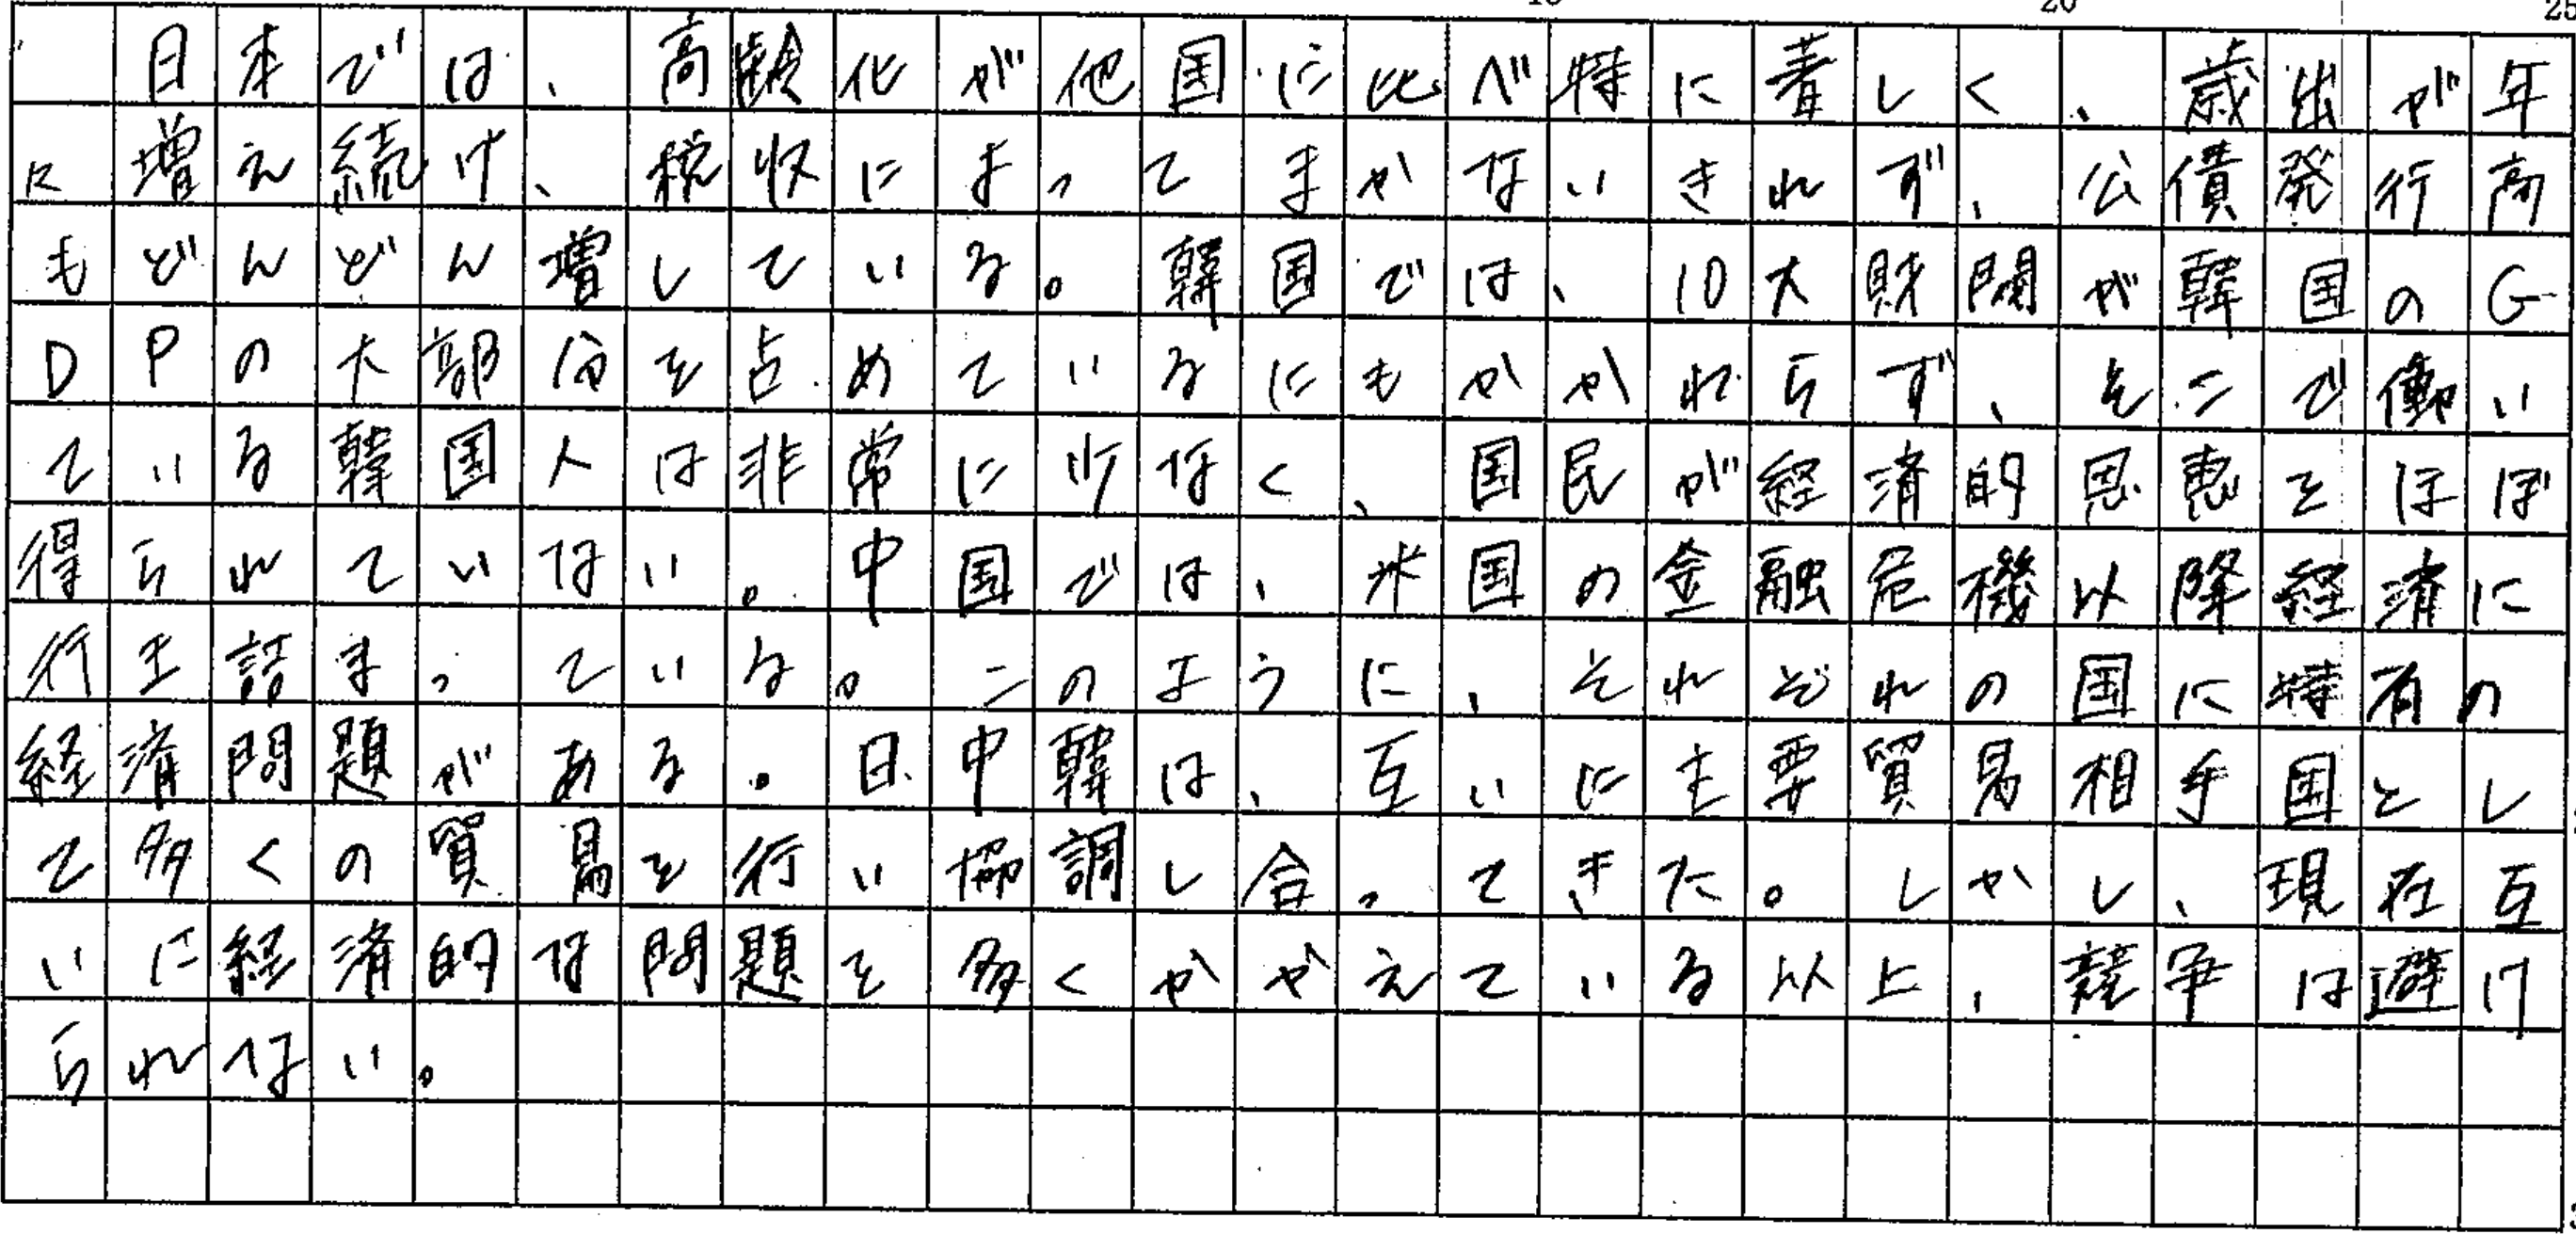　日本では、高齢化が他国に比べ特に著しく、歳出が年々増え続け、税収によってまかないきれず、公債発行高もどんどん増している。韓国では、１０大財閥が韓国のＧＤＰの大部分を占めているにもかかわらず、そこで働いている韓国人は非常に少なく、国民が経済的思恵をほぼ得られていない。中国では、米国の金融危機以降経済に行き詰まっている。このように、それぞれの国に特有の経済問題がある。日中韓は、互いに主要貿易相手国として多くの貿易を行い協調し合ってきた。しかし、現在互いに経済的な問題を多くかかえている以上、競争は避けられない。
